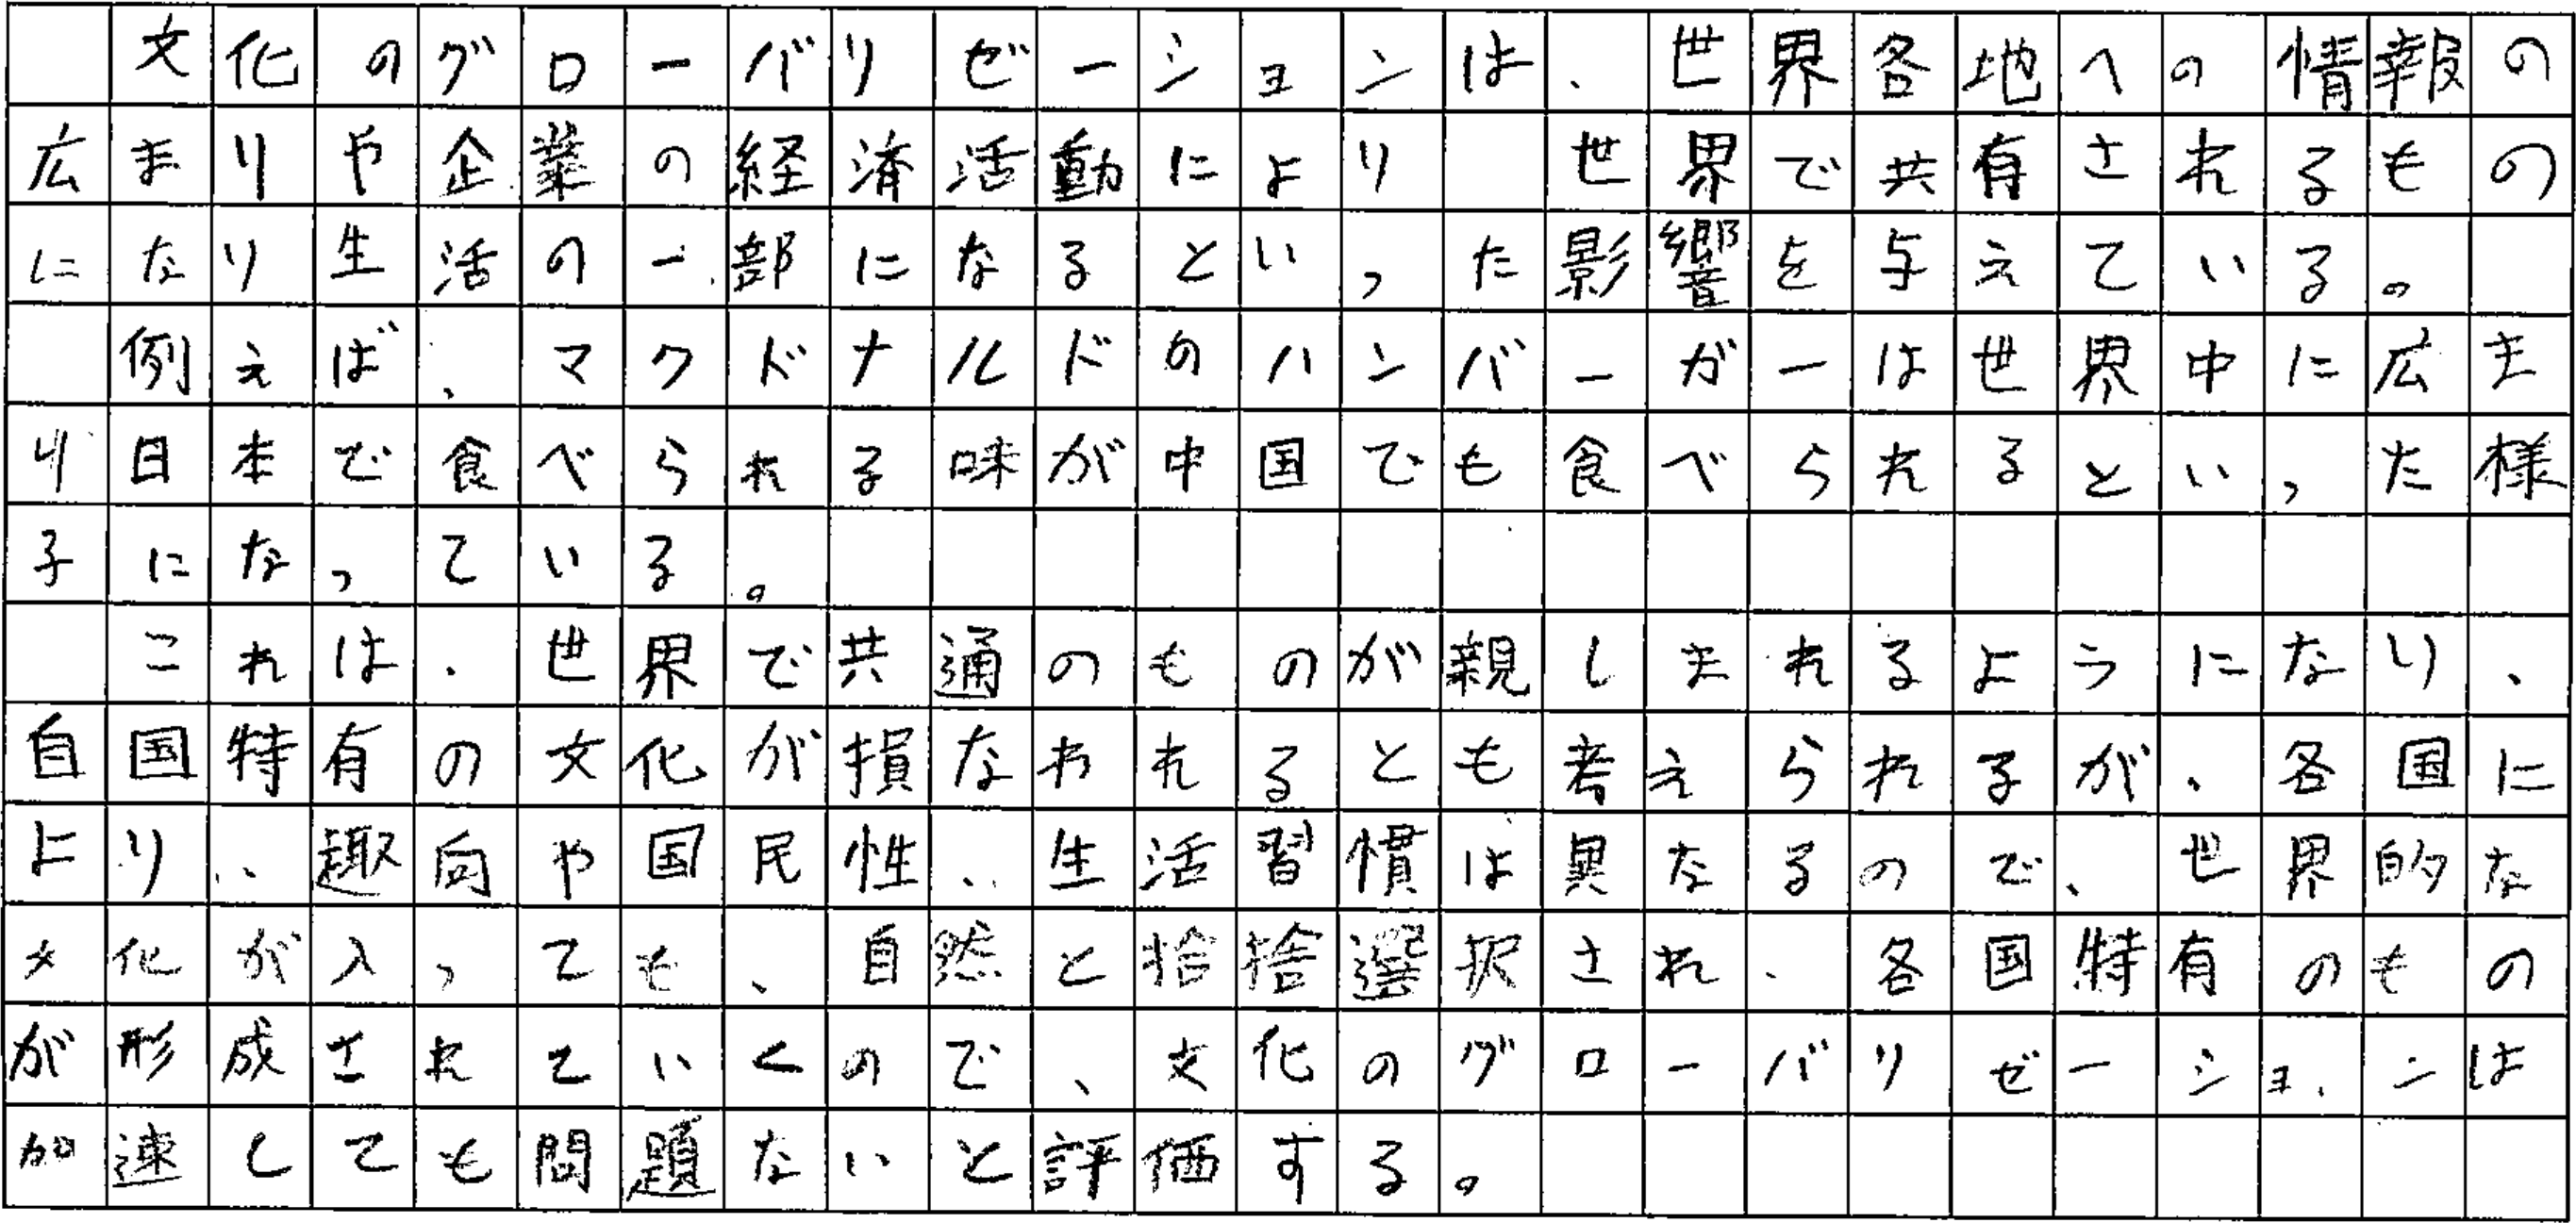　文化のグローバリゼーションは、世界各地への情報の広まりや企業の経済活動により　世界で共有されるものになり生活の一部になるといった影響を与えている。
　例えば、マクドナルドのハンバーガーは世界中に広まり日本で食べられる味が中国でも食べられるといった様子になっている。
　これは、世界で共通のものが親しまれるようになり、自国特有の文化が損なわれるとも考えられるが、各国により、趣向や国民性、生活習慣は異なるので、世界的な文化が入っても、自然と拾捨選択され、各国特有のものが形成されていくので、文化のグローバリゼーションは加速しても問題ないと評価する。
